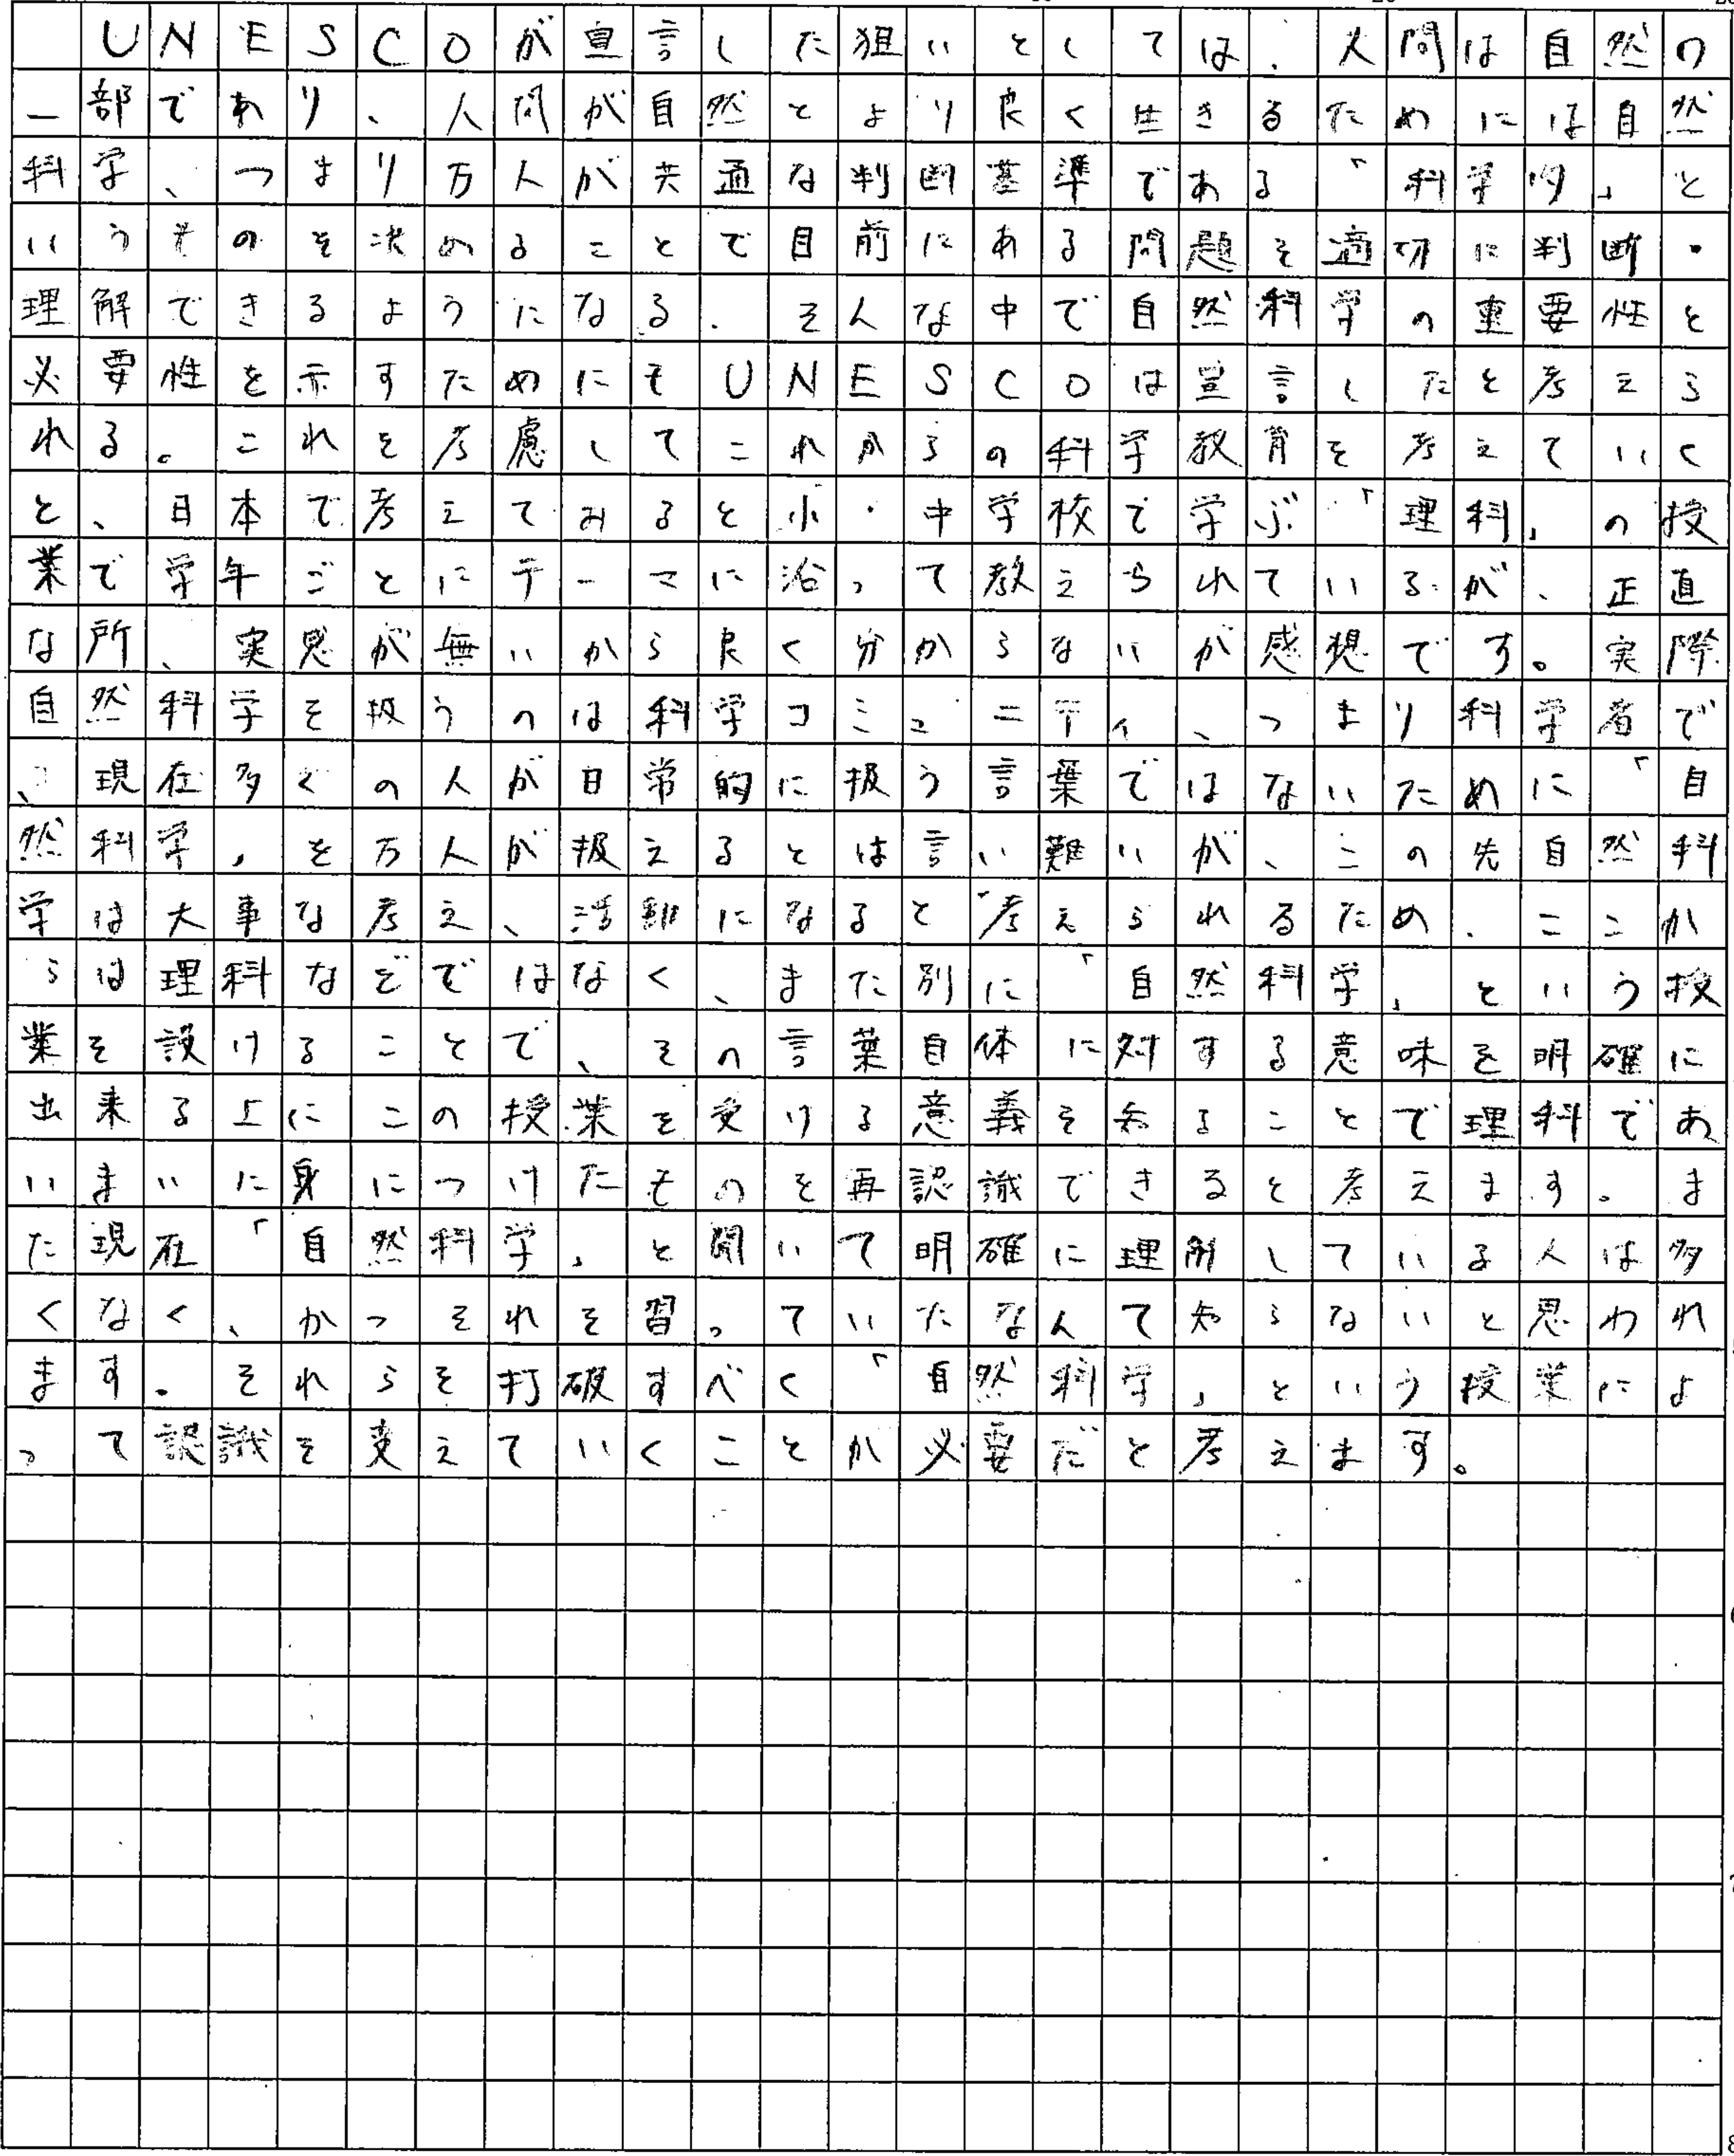　ＵＮＥＳＣＯが宣言した狙いとしては、人間は自然の一部であり、人間が自然とより良く生きるためには自然科学、つまり万人が共通な判断基準である「科学的」というものを決めることで目前にある問題を適切に判断・理解できるようになる。そんな中で自然科学の重要性と必要性を示すためにもＵＮＥＳＣＯは宣言したと考えられる。これを考慮してこれからの科学教育を考えていくと、日本で考えてみると小・中学校で学ぶ「理科」の授業で学年ごとにテーマに沿って教えられているが、正直な所、実感が無いから良く分からないが感想です。実際自然科学を扱うのは科学コミュニティ、つまり科学者で、現在多くの人が日常的に扱う言葉ではないために「自然科学」を万人が扱えるとは言い難いが、この先自然科学は大事な考え、活動になると考えられるため、ここからは理科などではなく、また別に「自然科学」という授業を設けることで、その言葉自体に対する意味を明確に出来る上にこの授業を受ける意義を知ることで理科であいまいに身につけたものを再認識できると考えます。また現在「自然科学」と聞いて明確に理解している人は多くなく、かつそれを習っていたなんて知らないと思われます。それらを打破すべく「自然科学」という授業によって認識を変えていくことが必要だと考えます。
